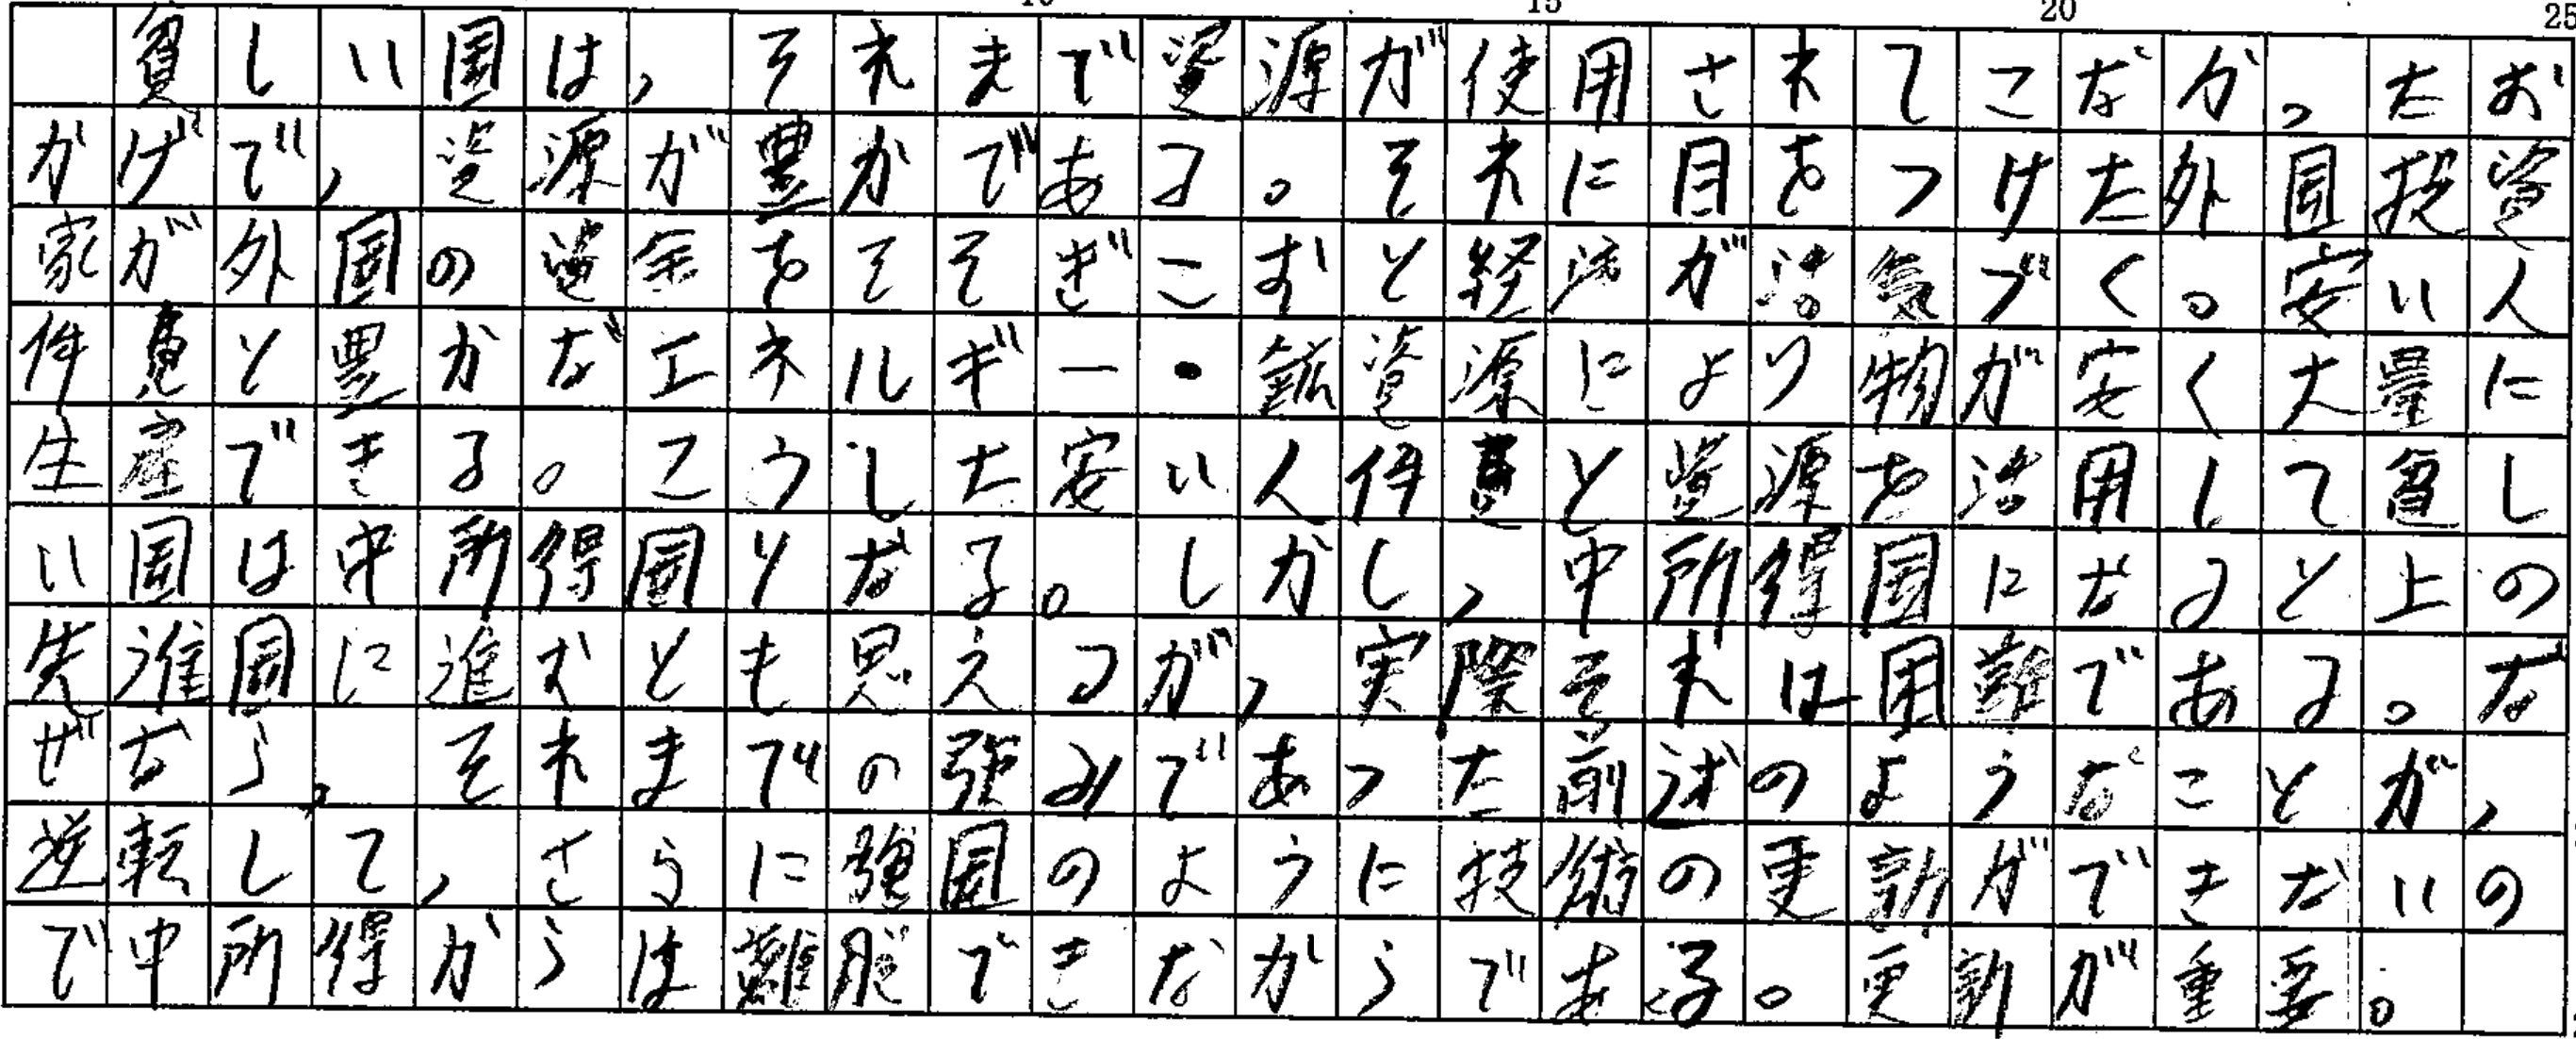　貧しい国は，それまで資源が使用されてこなかったおかげで，資源が豊かである。それに目をつけた外国投資家が外国の資金をそそぎこむと経▁が活気づく。安い人件費と豊かなエネルギー・鉱資源により物が安く大量に生産できる。こうした安い人件費と資源を活用して貧しい国は中所得国となる。しかし，中所得国になると上の先進国に進むとも思えるが，実際それは困難である。なぜなら，それまでの強みであった前述のようなことが，逆転して，さらに強国のように技術の更新ができないので中所得からは離脱できなからである。更新が重要。
